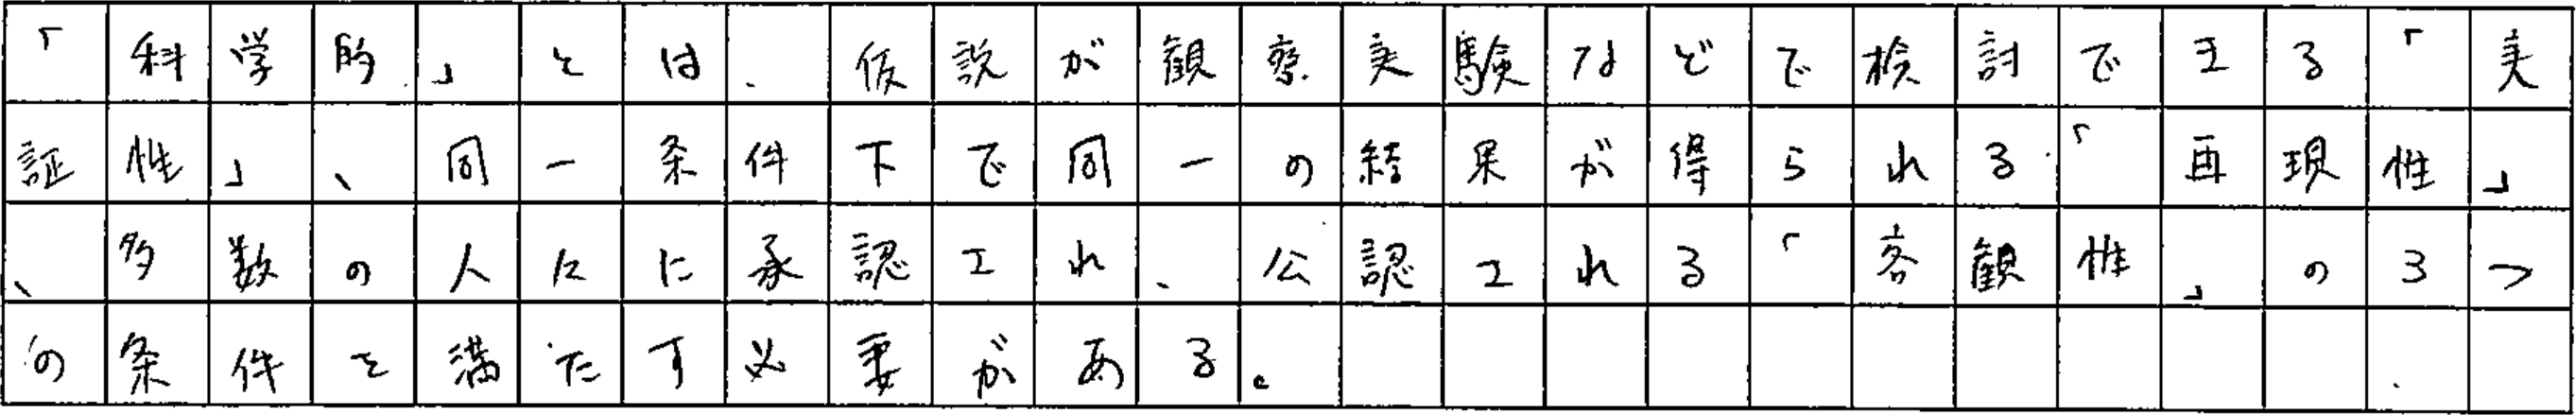「科学的」とは、仮説が観察実験などで検討できる「実証性」、同一条件下で同一の結果が得られる「再現性」、多数の人々に承認され、公認される「客観性」の３つの条件を満たす必要がある。
